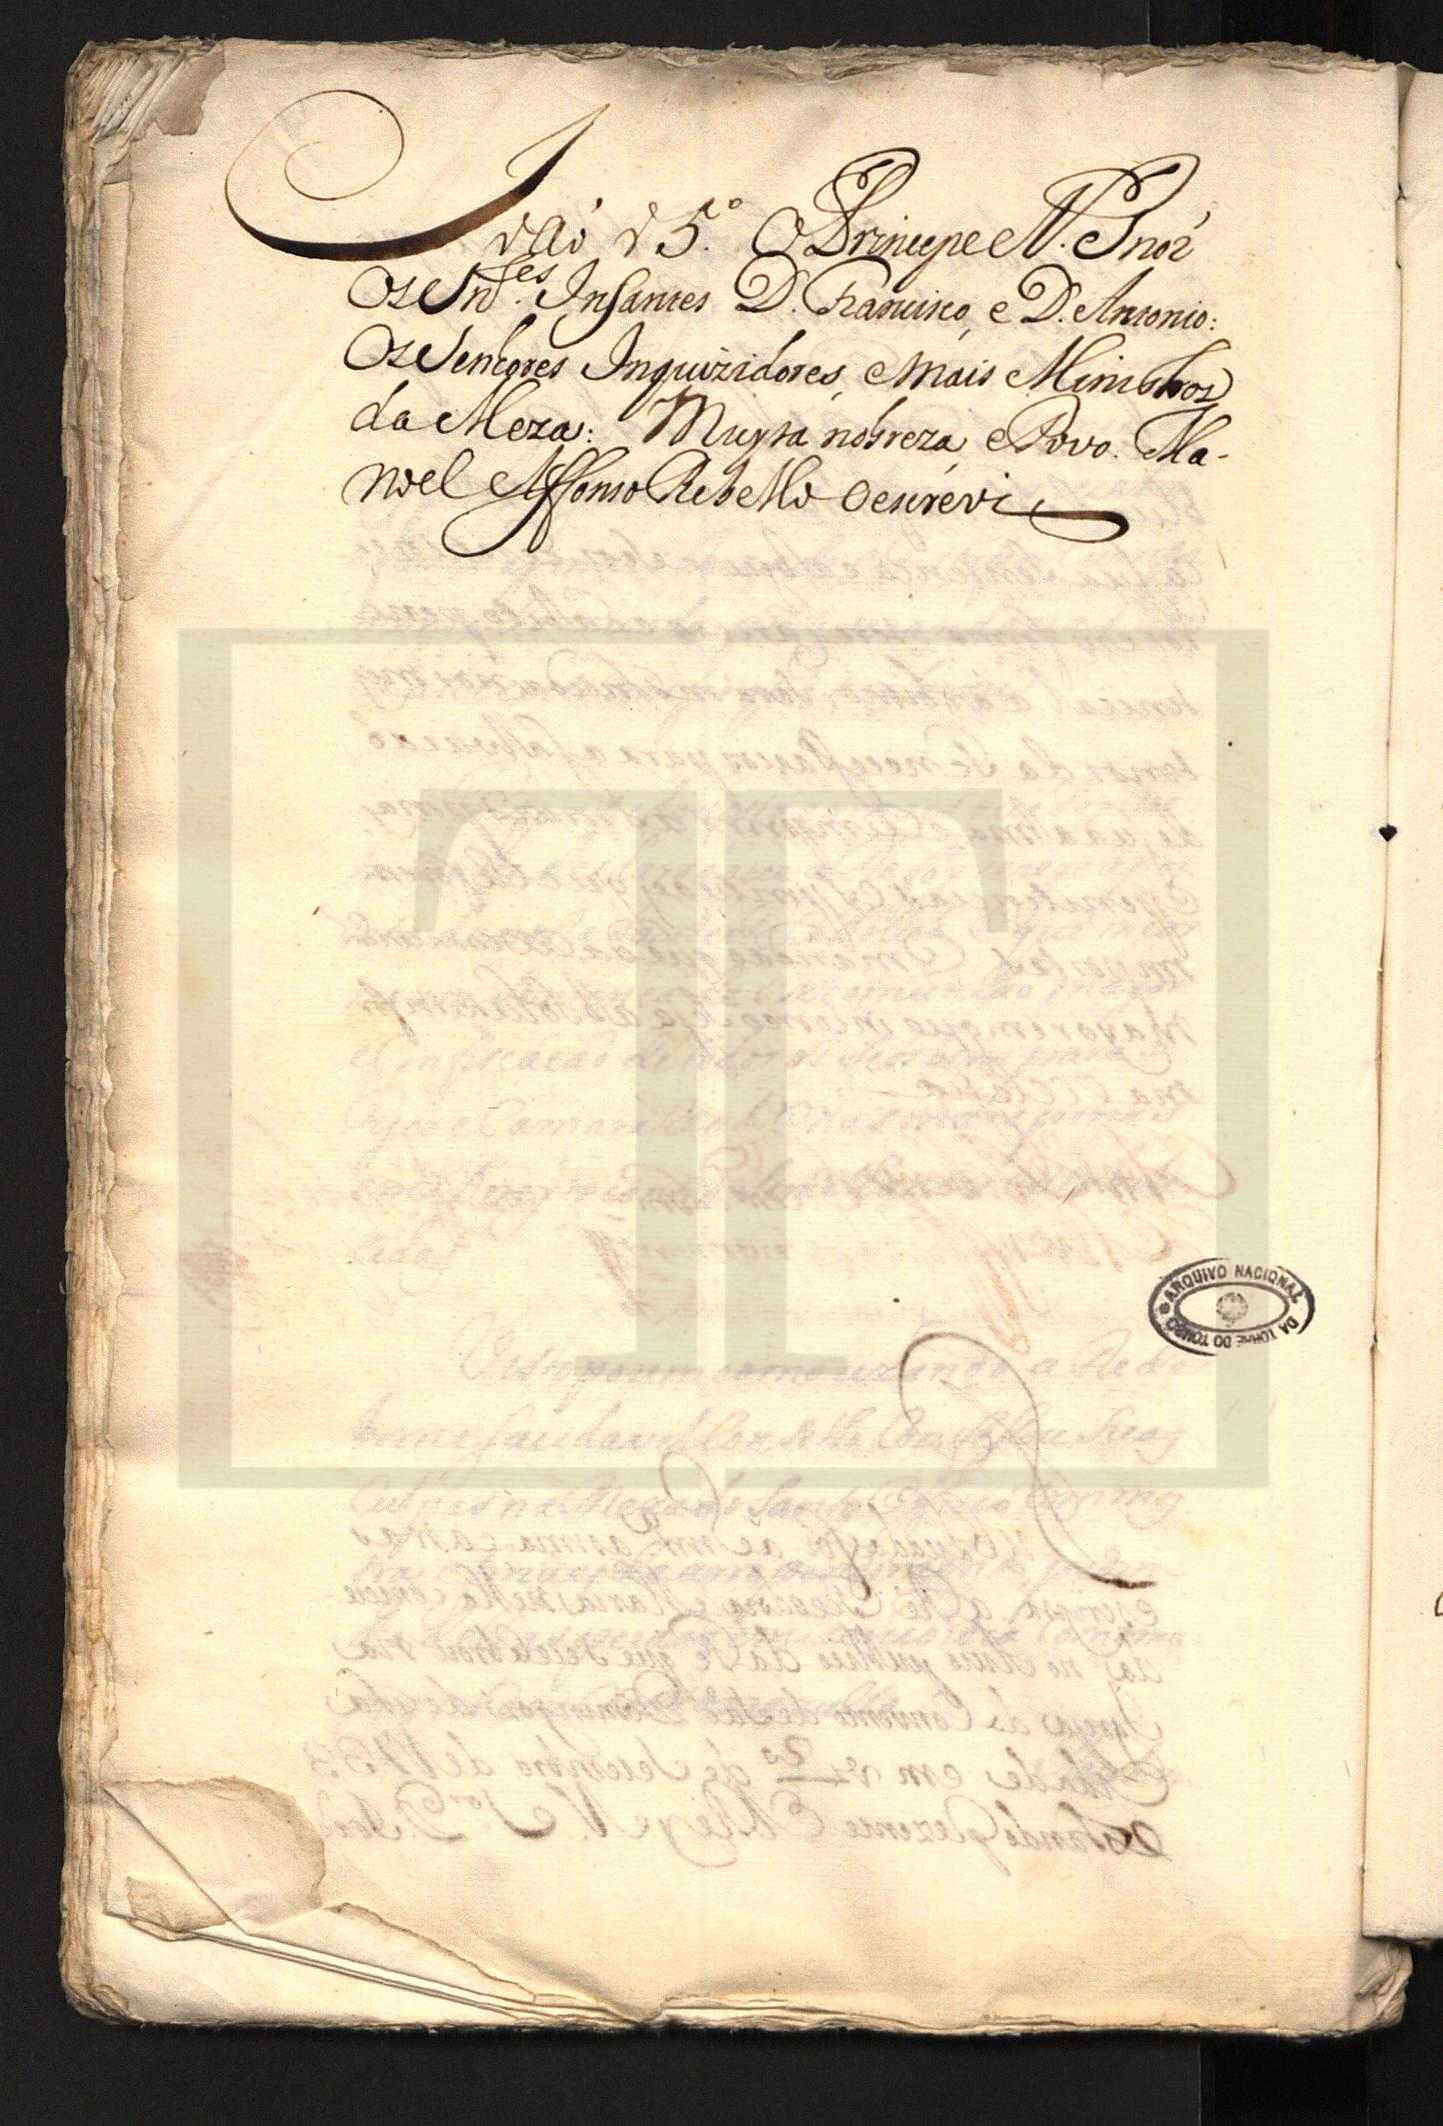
Ioaõ 15.o O Princepe N. Snor̄
Os sn.res Infantes D. Francisco, e D. Antonio:
Os Senhores Inquizidores, e mais Menistroz,
da Meza: Muyta nobreza, e Povo Ma
noel Affonso Rebello o escrevi
